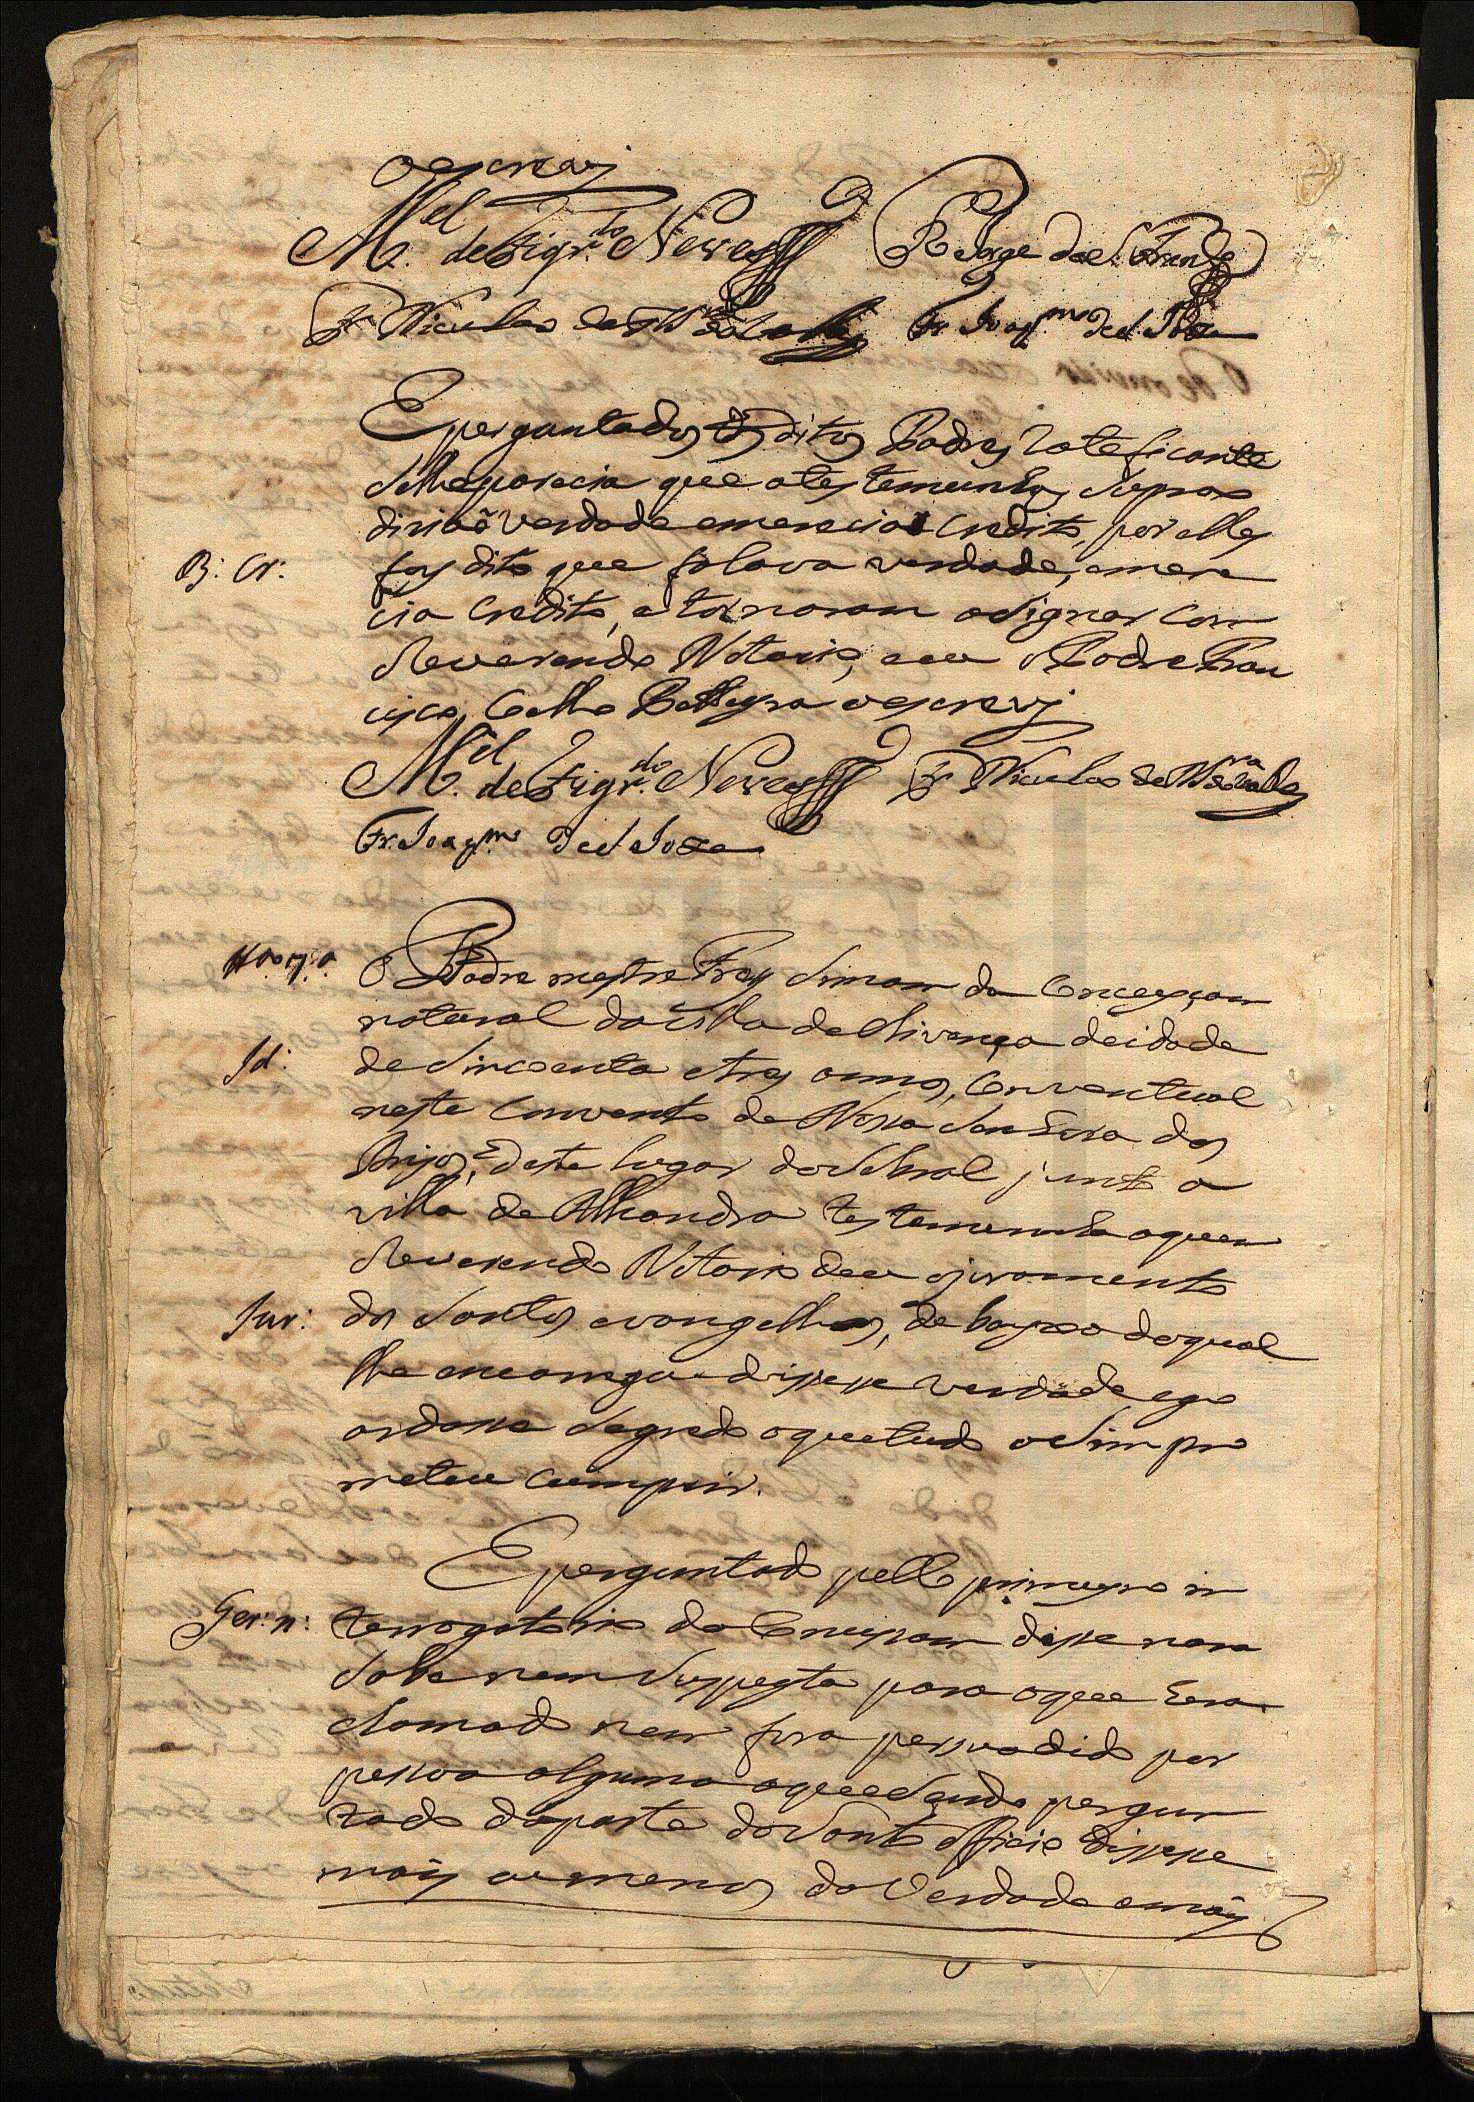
o escrevj
M.el de Figr.do Neves
Fr Iorge de S. Fran.co
Fra Niculao da Nsra do Valle
Fr Ioaq.m de S. Ioze
E perguntados os ditos Padres Rateficante
se lhe parecia que a testemunhas supras
diziaõ verdade e mereciaõ credito, por elles
foy dito que falava verdade, e mere
B: cr:
cia credito, e tornaram asignar com
Reverendo Notario, e eu o Padre Fran
cisco, Coelho Petteyra o escrevj
M.el de Figr.do Neves Fr Niculao de Nsra do valle
Fr Ioaq.m de S Ioze
tta. 7.a
O Padre mestre Frey Simam da Conceyçam
natural da villa de olivença de idade
Jd:
de Sincoenta e tres annos, conventual
neste Convento de Nossa Senhora dos
Anjos, deste lugar do Sobral junto a
villa de Alhandra testemunha a quem
Reverendo Notario deu o juramento
dos Santos evangelhos, debayxo do qual
Jur:
lhe encarrego dissesse verdade e go
ardasse segredo o que tudo aSim pro
meteu cumprir.
E perguntado pello primeyro in
Ger: n:
terrogatorio da Comissam disse nam
sabe nem suspeyta para o que hera
chamado nem fora persuadido por
pessoa alguma a que sendo pergun
tado da parte do Santo officio dissesse
mais ou menos da Verdade e mais
